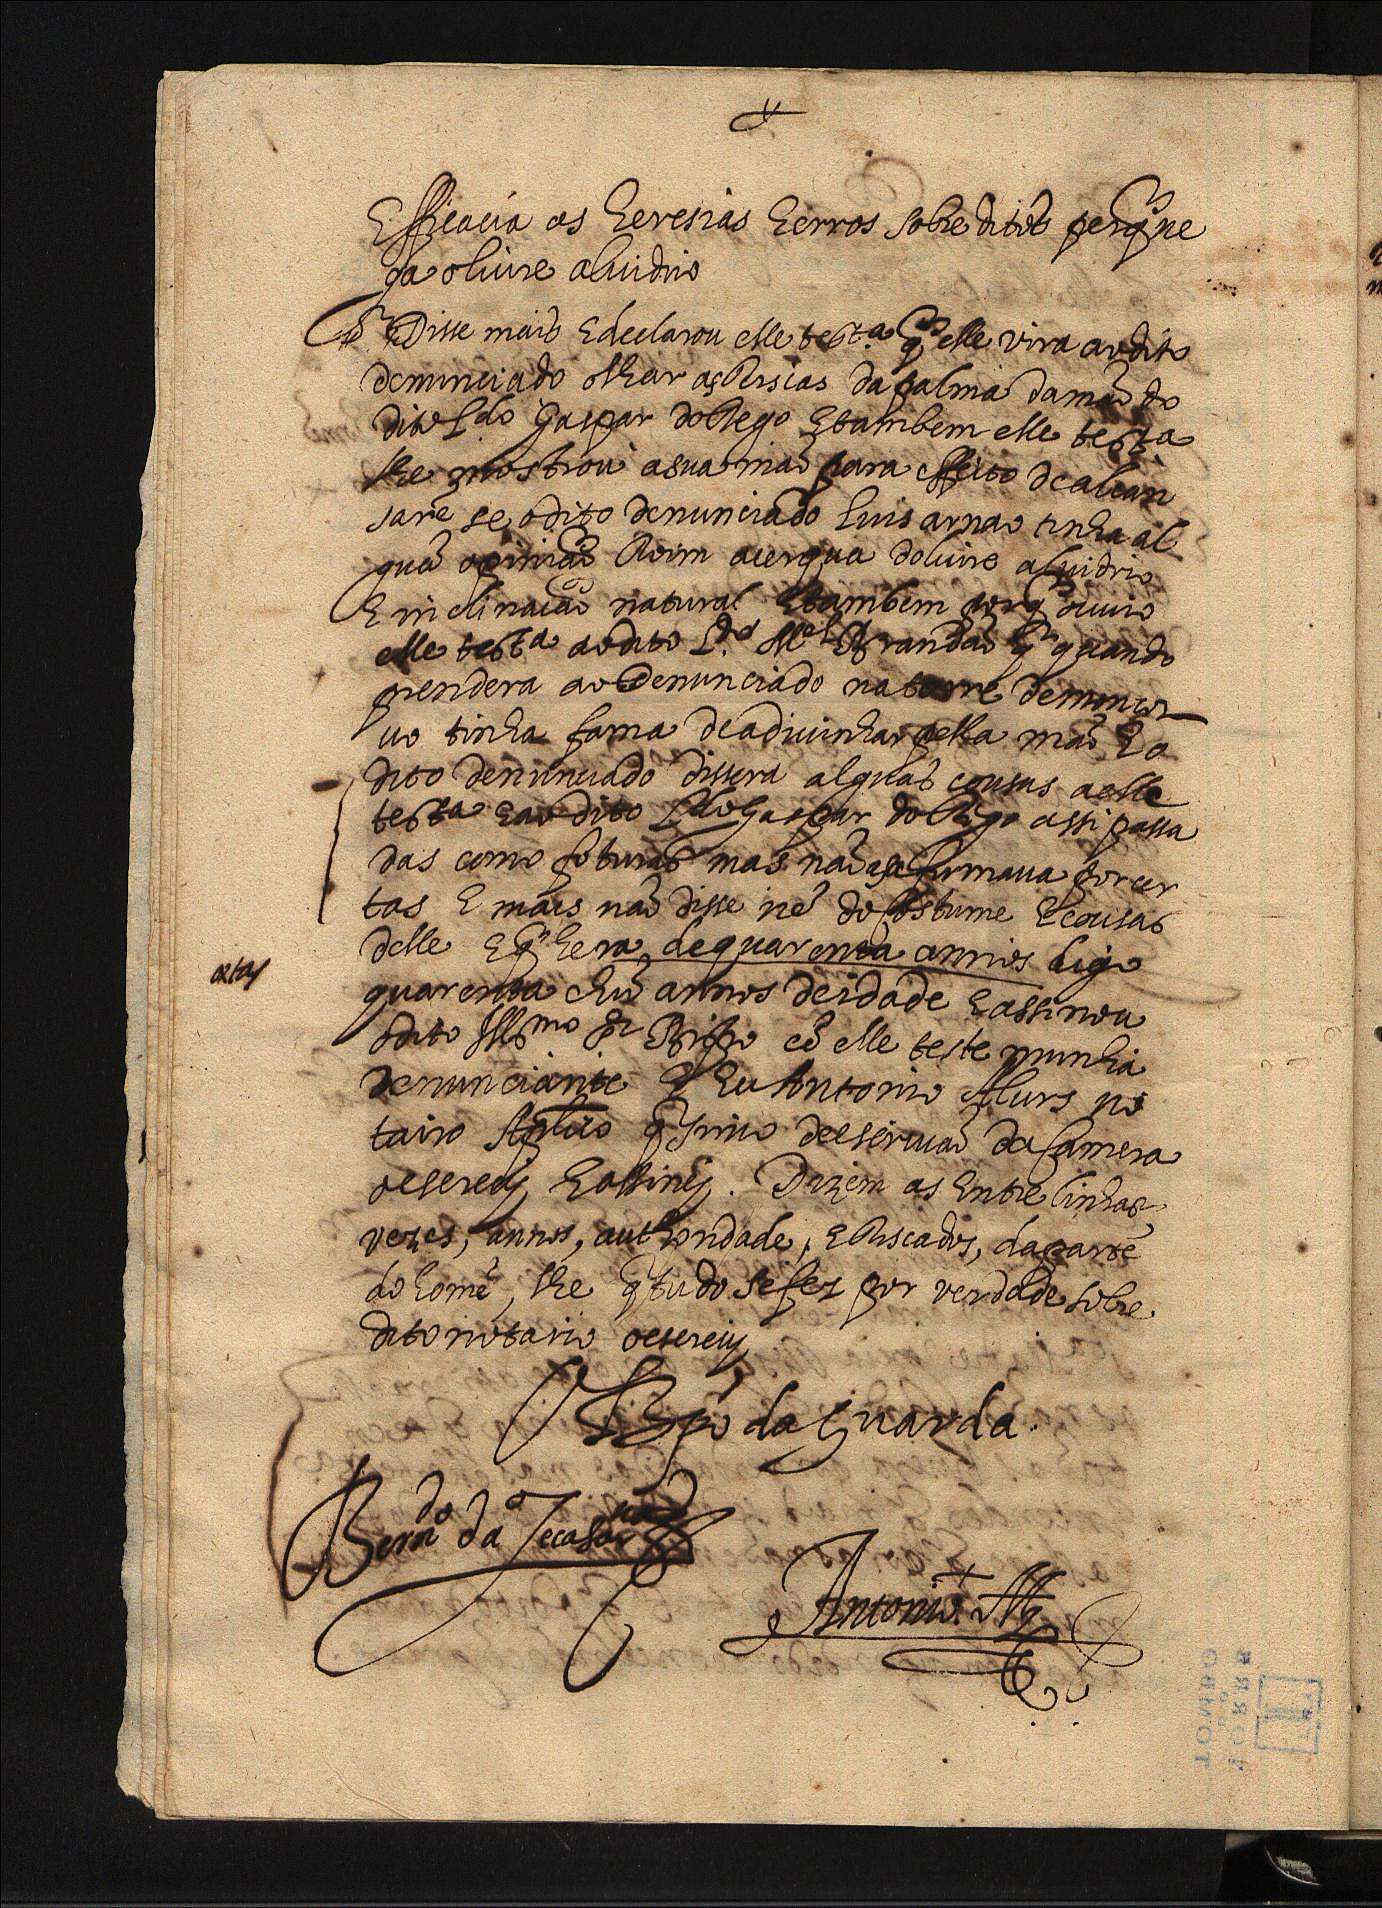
Efficacia as heresias E erros sobreditos per q̄ ne
ga o liure aluidrio
item Disse mais E declarou elle test.a q̄ elle vira ao dito
denunciado olhar as Riscas da palma da maõ do
dito Ld.o Gaspar do Rego E tambem elle test.a
lhe mostrou a sua maõ para effeito de alcan
sarē se o dito denunciado Luis arnao tinha al
guā opiniaõ Roim acerqua do liure aluidrio
E inclinação natural E tambem porq̄ ouuio
elle testa ao dito L.do Mel Brandaõ q̄ quando
prendera ao Denunciado na torre de moncor
uo tinha fama de adiuinhar pella mão E o
dito denunciado dissera alguas̄ cousas a elle
testa E ao dito Ldo Gaspar do Rego assi passa
das como foturas mas naõ as afirmaua por cer
tas E mais naõ disse nē do Costume E cousas
delle E q̄ hera de quarenta annos digo
ætas
quarenta e hū annos de idade E assinou
o dito Jllm.o s.or Bispo cō elle testemunha
denunciante E Eu Antonio Alurs no
tairo Ap̄lico q̄ siruo de escriuaõ da Camera
o escreuj E assinej. Dizem as Entrelinhas
vezes, annos, authoridade, e Riscados, da parte
do homē, lhe q̄ tudo se fez por verdade sobre
dito notairo o escreuj
O Bpō da Guarda.
Berndo daoseca sarua
Antonio Al̄z
